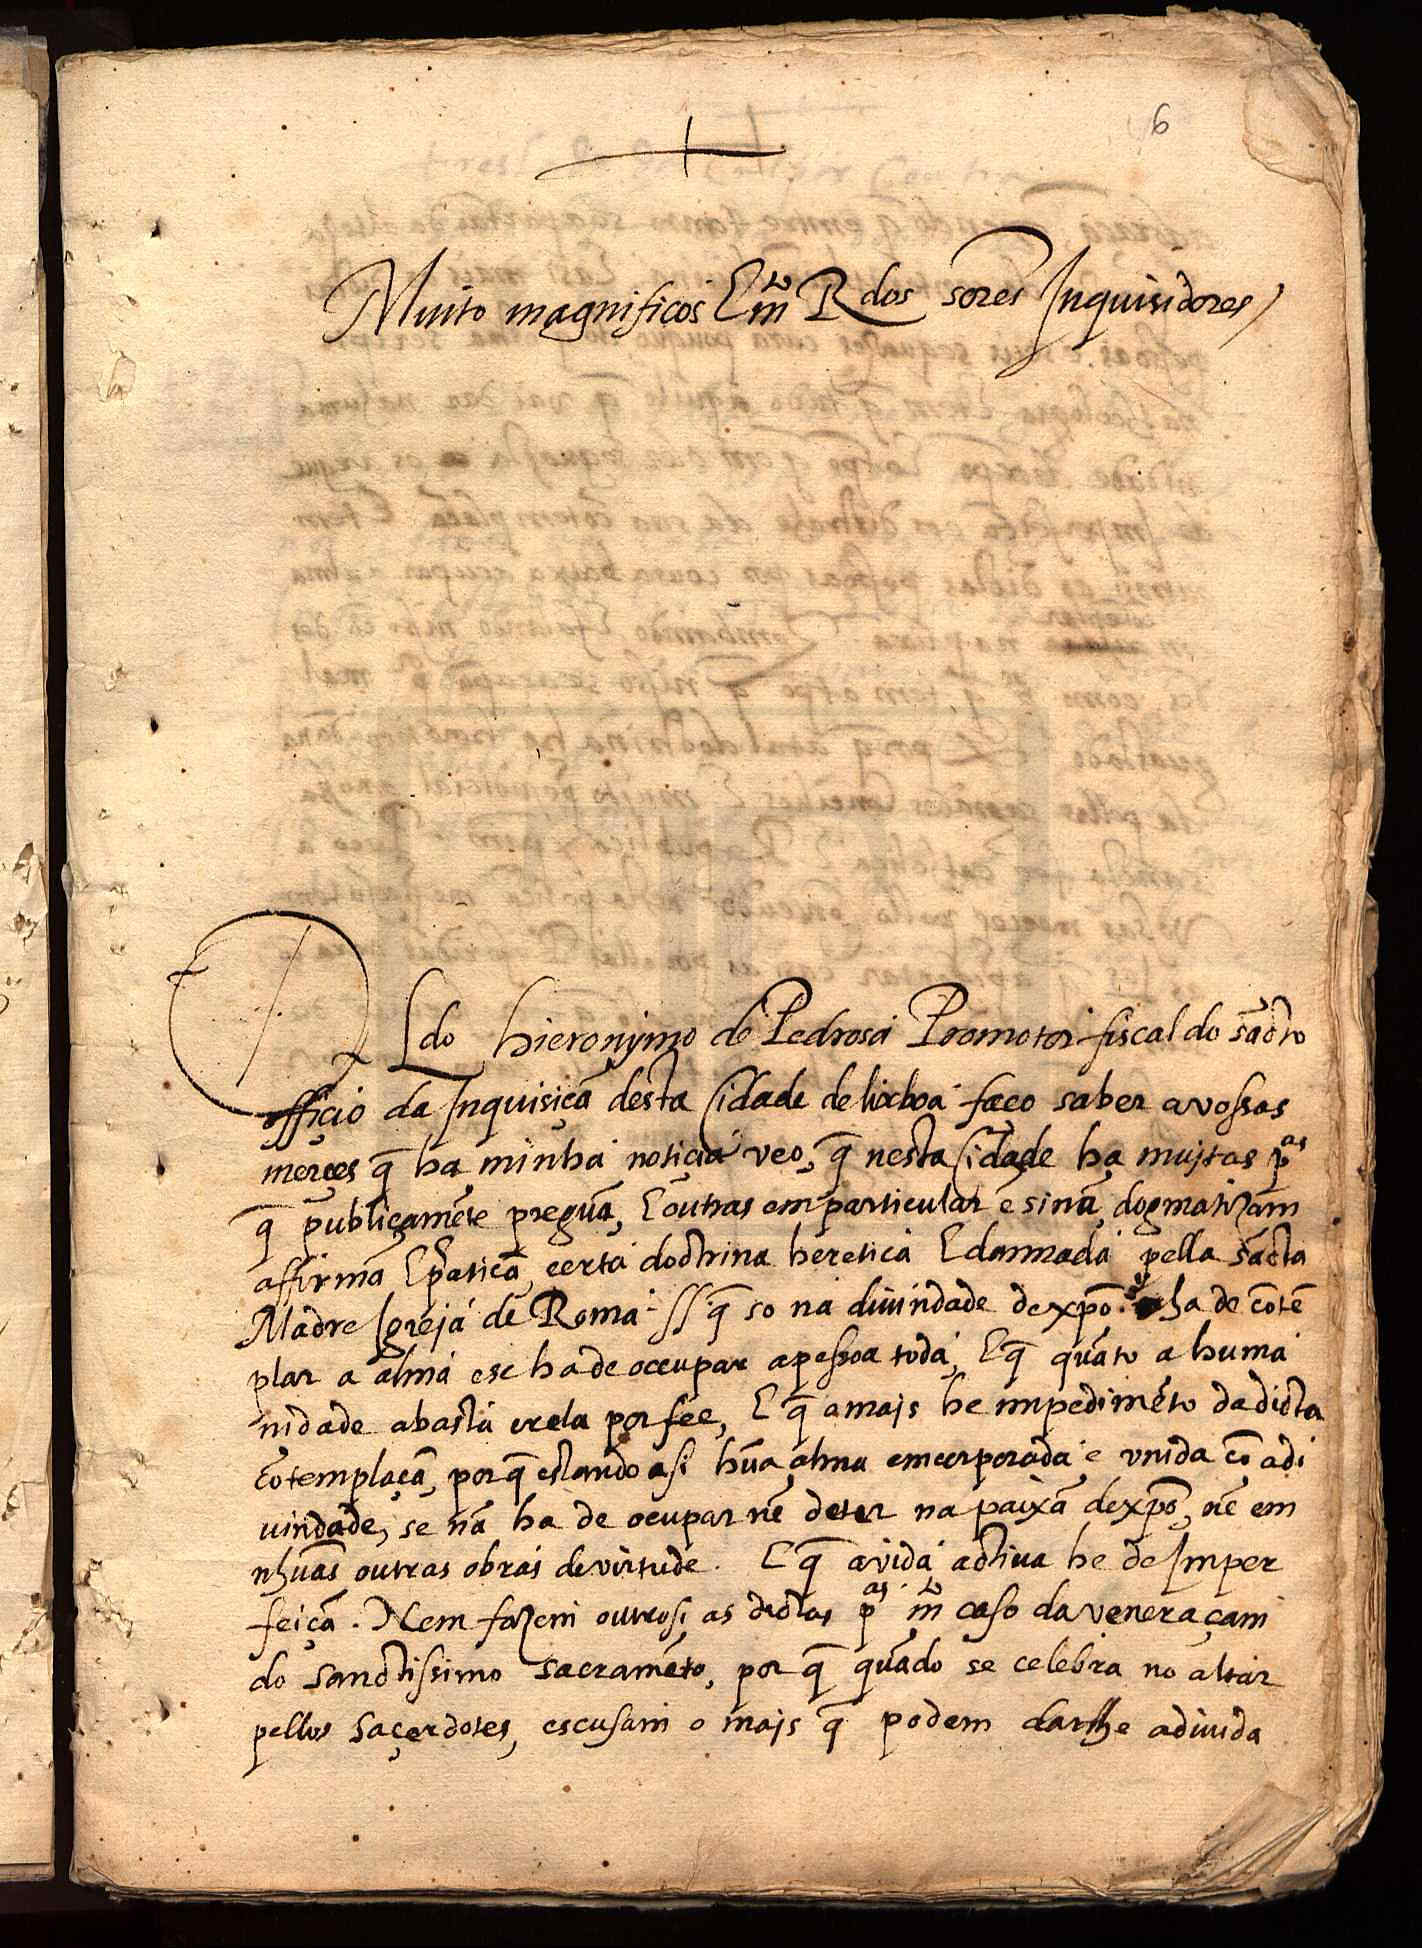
Muito magnificos E mto Rdos s̄ores Jnquisidores /
O Ldo hieronymo de Pedrosa Promotor fiscal do s̄acto
officio da Jnquisiçā desta Cidade de lixboa faço saber a vossas
merces q̄ ha minha noticia veo, q̅ nesta Cidade ha mujtas pas
q̄ publicamēte preguā, E outras em particular esinā dogmatizam
affirmā E p̄aticā, certa doctrina heretica E damnada pella sa̅cta
Madre Jgreja de Roma .ss. q̄ so na diuindade de xpō _ ha de cōtē
plar a alma e se ha de occupar a pessoa toda, E q̄ quāto a huma
nidade a basta crela por fee, E q̄ a majs he impedimēto da dicta
cōtemplaçā, porq̅ estando asi hūa alma emcorporada e vnida c̄o a di
uindade, se nā ha de ocupar ne̅ deter na paixā de xpō, nē em
nhu̅as outras obras de virtude. E q̄ a vida actiua he de Jmper
feiçā. Nem fazem outrosi as dictas pas mto caso da veneraçam
do sanctissimo sacramēto, porq̄ quādo se celebra no altar
pellos sacerdotes, escusam o majs q̄ podem darlhe a diuida
